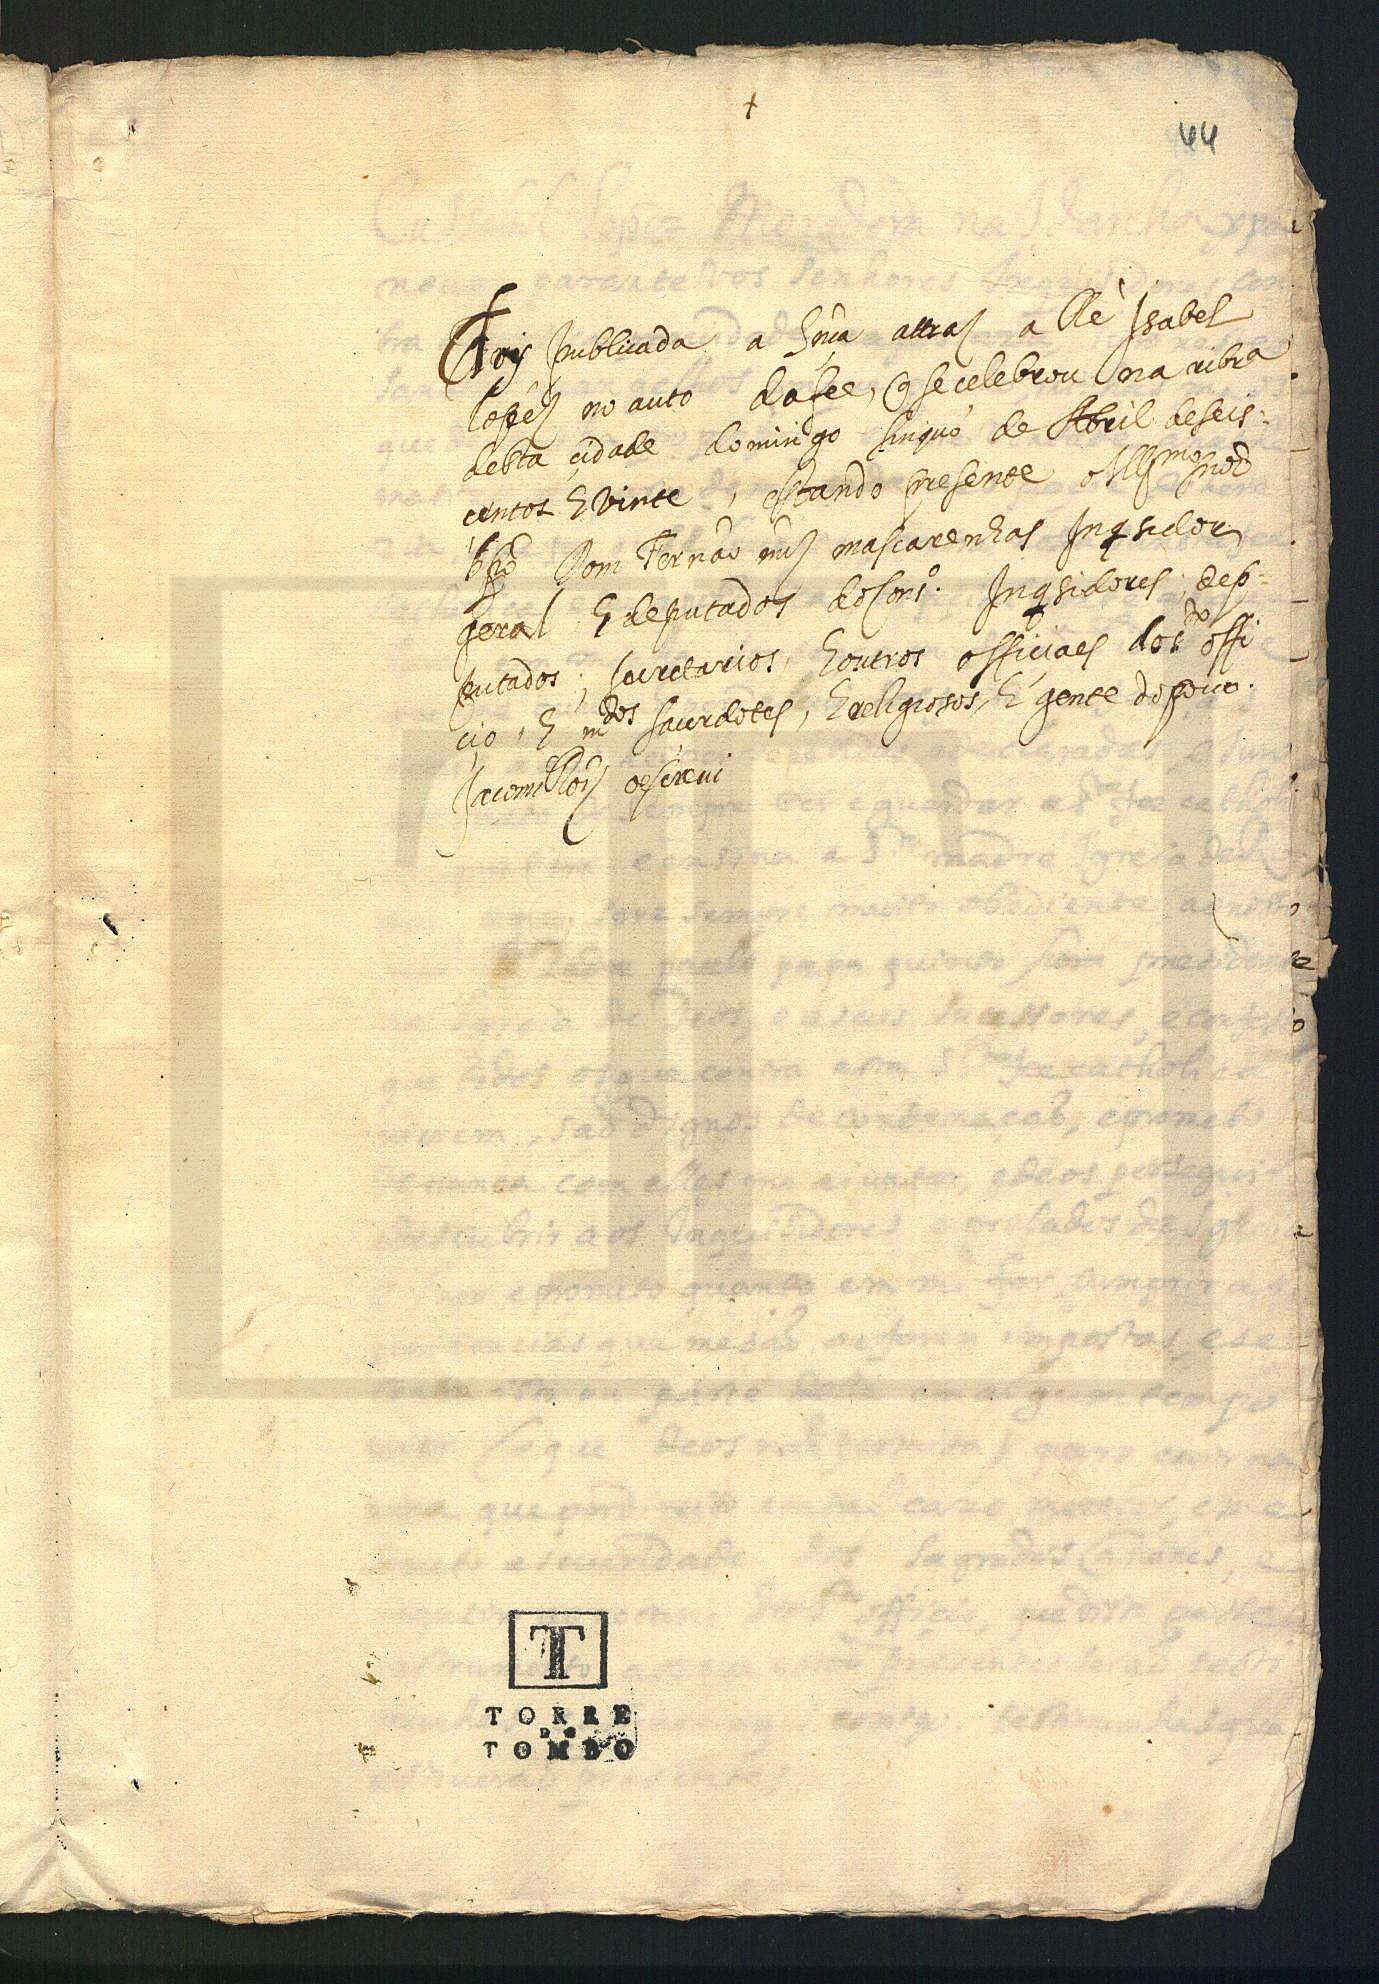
Foy publicada a Snç̄a attraz a Re Jsabel
lopez no auto da fee, q̄ se celebrou na ribra
desta cidade domingo sinquo de Abril de seis
centos E vinte, estando presente o Ills.mo snor̄
bp̄o Dom Fernão mīz mascarenhas Inꝗsidor
geral E deputados do Cons.o Jnquisidores; dep
putados; secretarios, E outros officiaes do sto offi
cio, E mtos sacerdotes, E religiosos, E gente do pouo
Jacome Roīz o escreui
